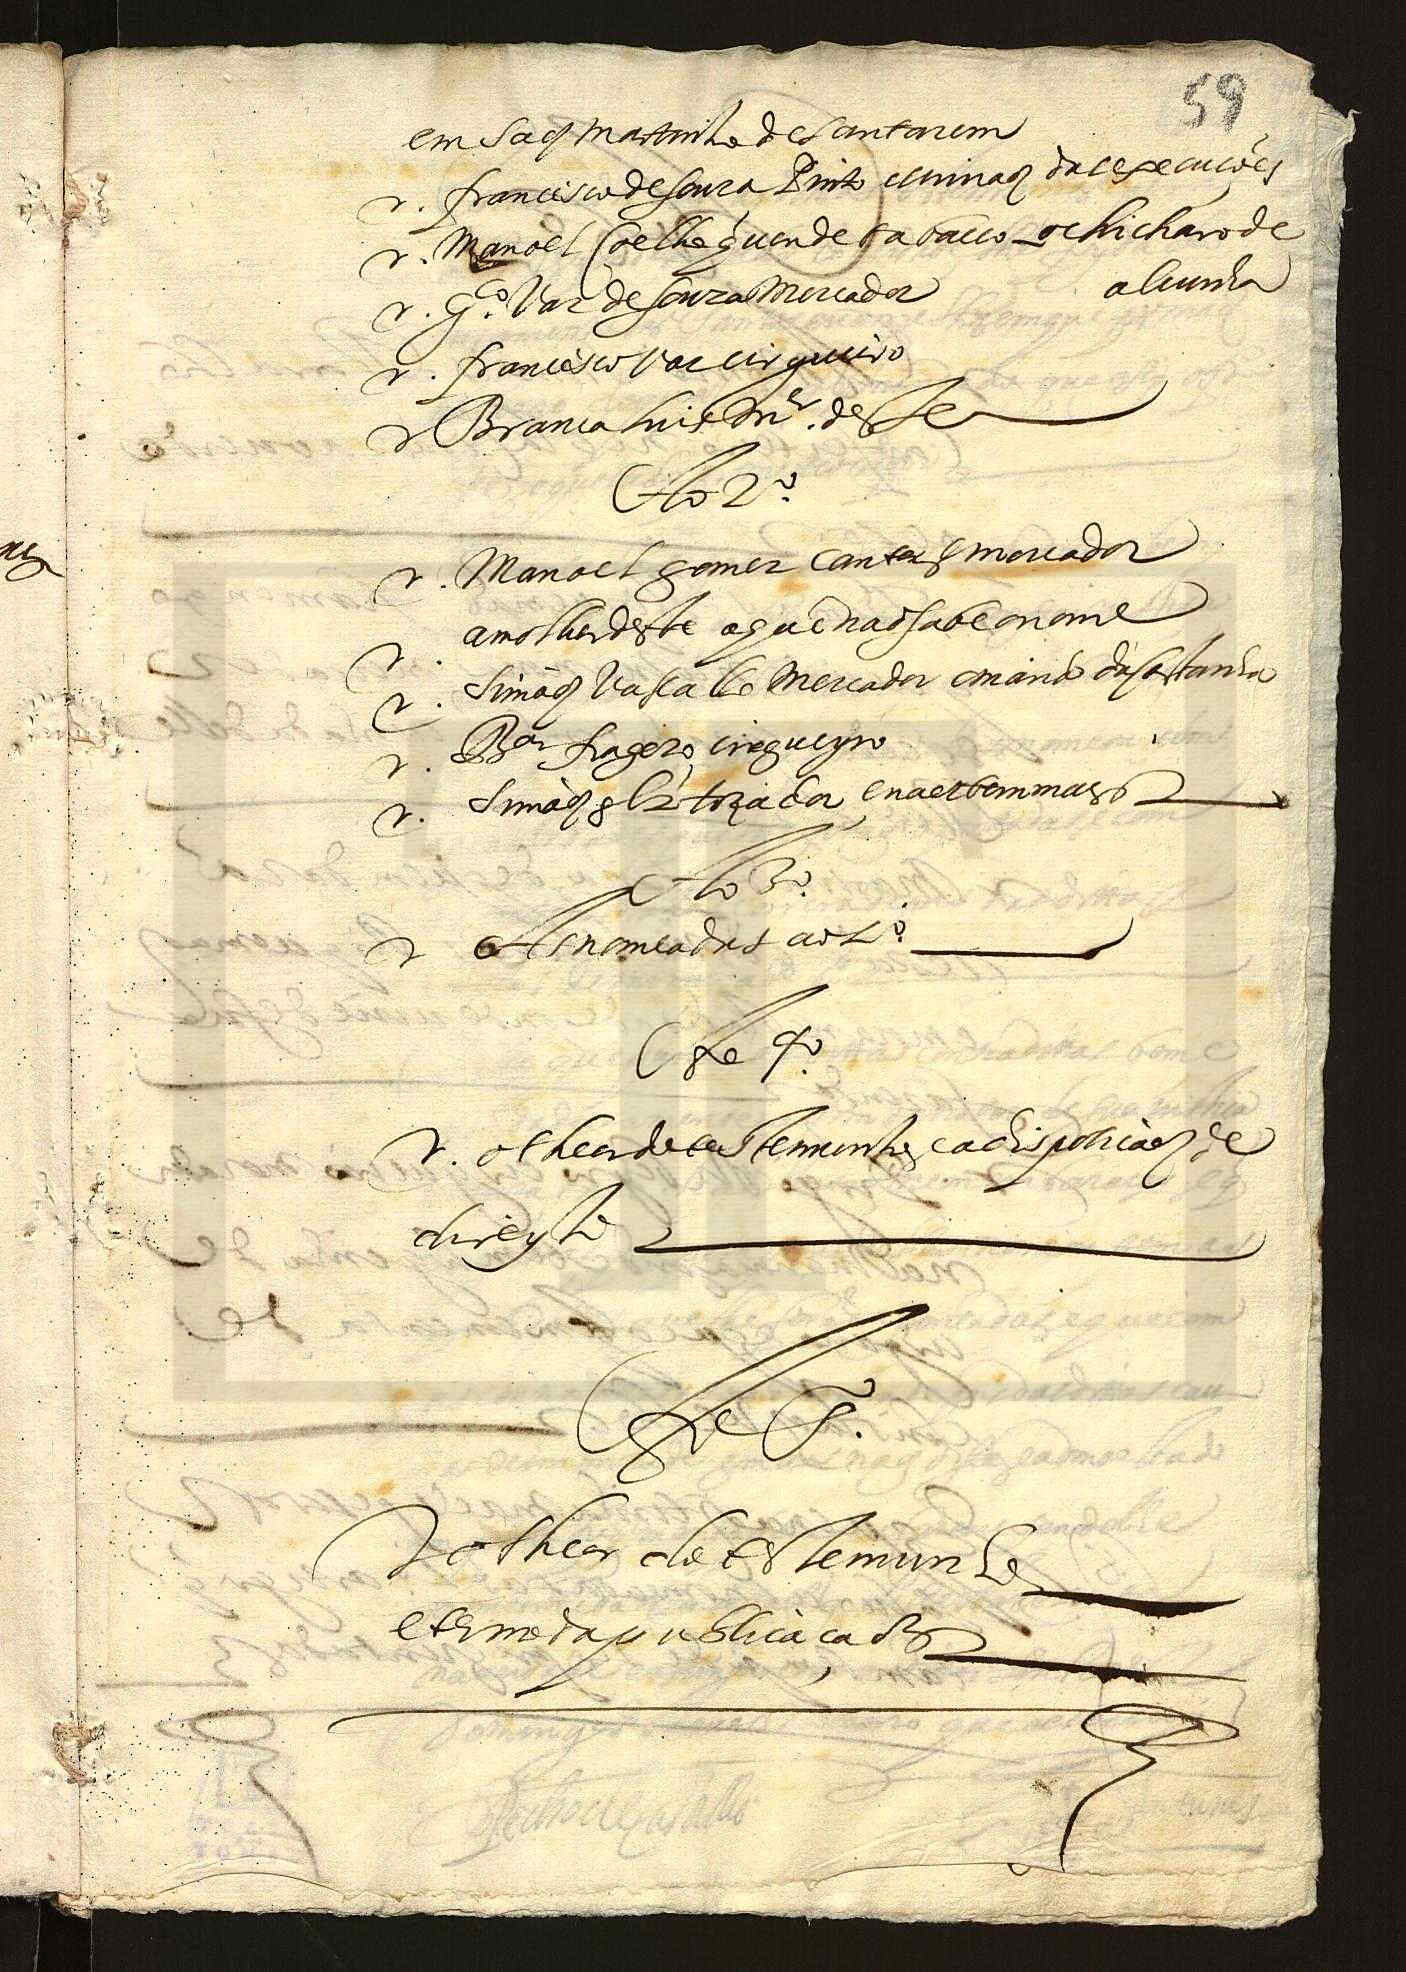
em saõ martinho de santarem
item. francisco de souza Pinto escriuaõ das execuçoẽs
item. Manoel Coelho q̄ uende tabacco o chicharo de
alcunha
item. G.ço Vaz de souza mercador
item. francisco vaz cirgueiro
item Branca luis mer deste
Ao 2o.
item. Manoel gomez cantor E mercador
item. a molher deste a quē naõ sabe o nome
item. Simaõ Vassallo mercador e marido da Castanha
item. Bar fragozo cirgueyro
item. Simaõ glz̄ tozador e naõ tem mais
Ao 3o.
item As nomeadas ao 1o.
Ao 4.o
item. o theor de testemunhos e a disposiçaõ de
direyto
Ao 5.o
do theor do testemunhos
e termo da publicaçaõ
